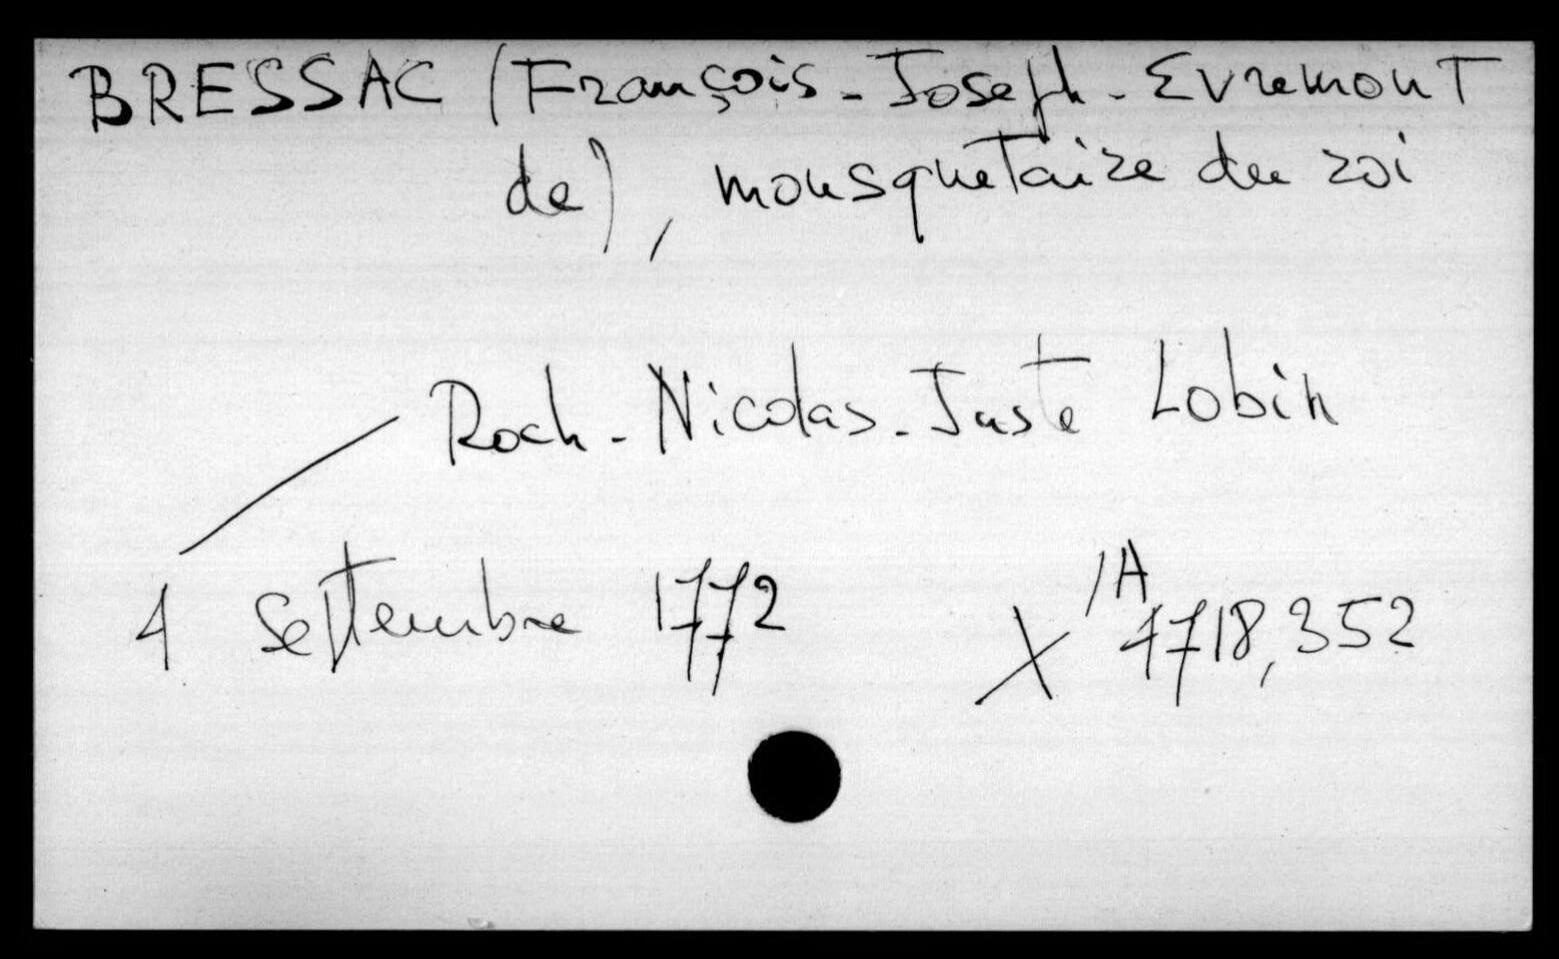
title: BRESSAC (François-Joseph-Evremont de) mousquetaire du roi
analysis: Contre Roch-Nicolas Juste Lobin
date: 4 septembre 1772
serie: X1A
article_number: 4718
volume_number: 352
